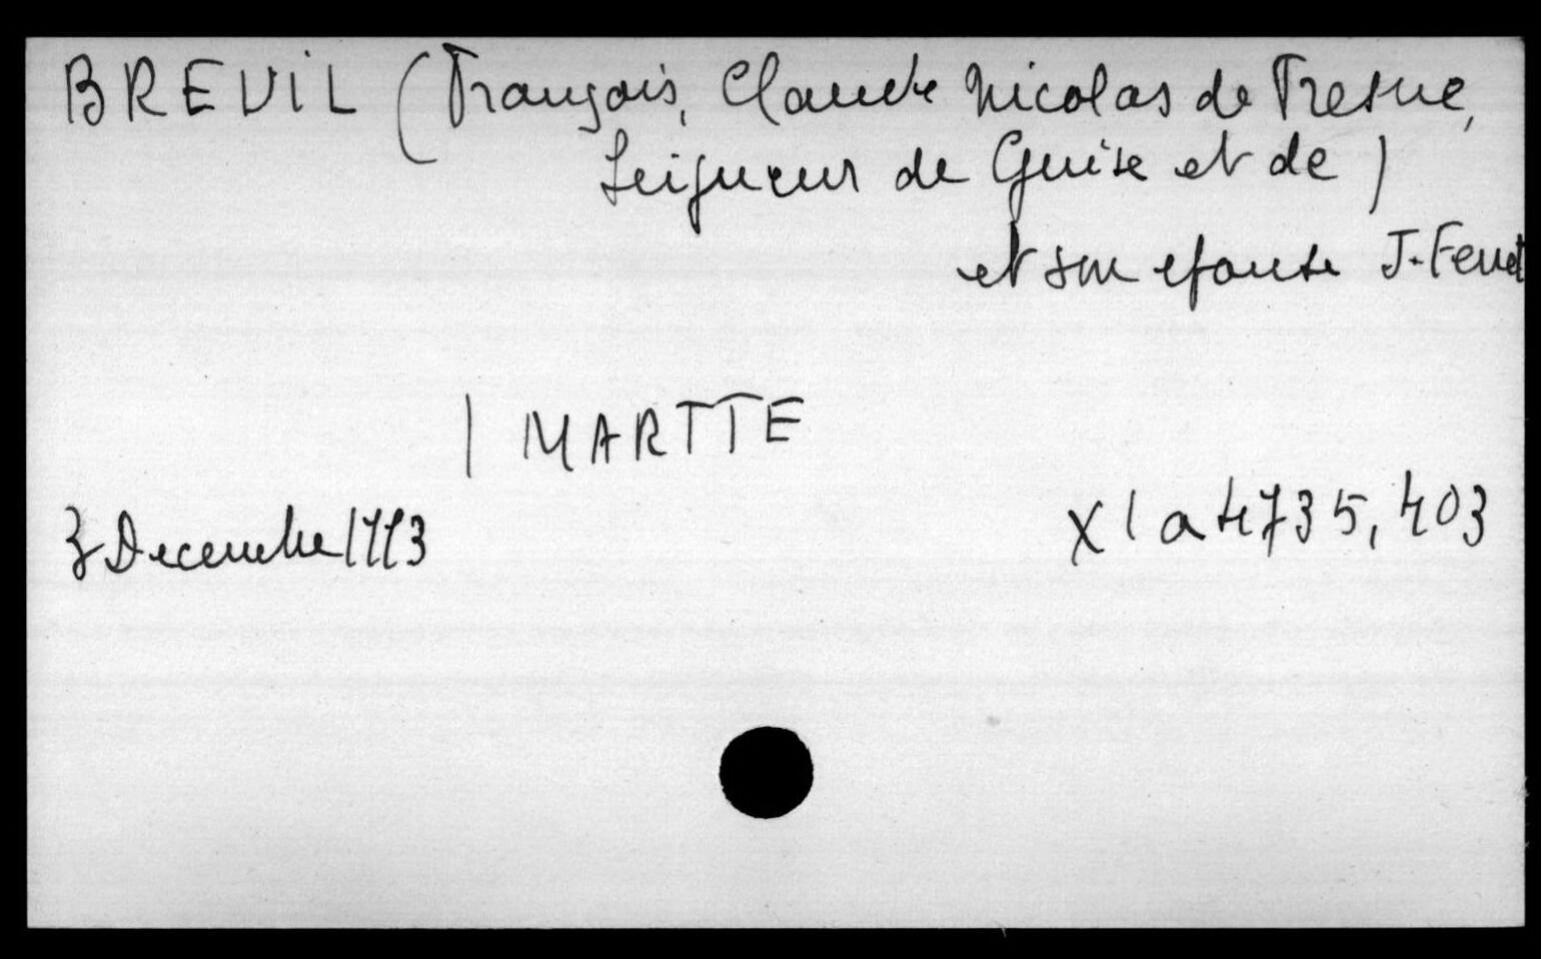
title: BREUIL (François, Claudre Nicolas de Tresne, seigneur de Guise et de)
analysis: Contre MARTTE
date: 3 décembre 1773
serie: X1a
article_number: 4735
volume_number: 403
